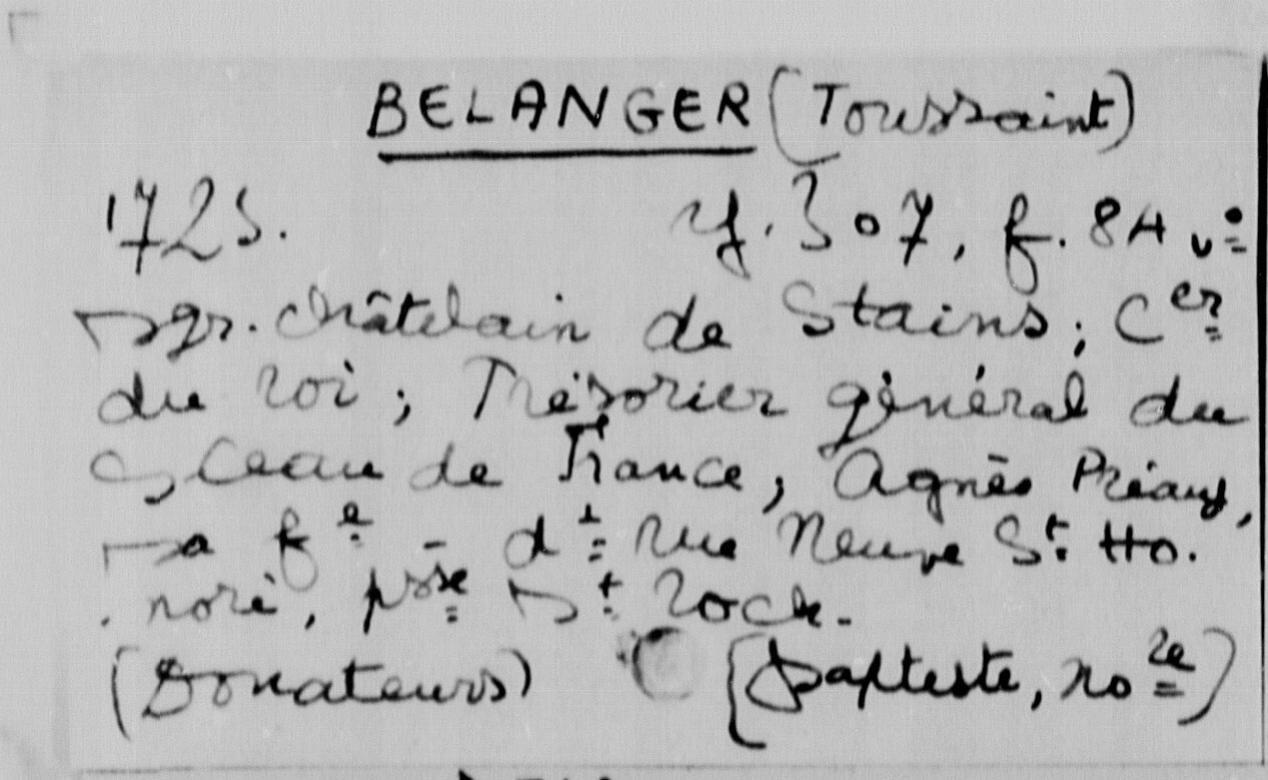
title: BELANGER (Toussaint)
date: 1723
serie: Y
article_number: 307
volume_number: fol. 84v
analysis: Seigneur Châtelain de Stains, conseiller du roi ; Trésorier général du sceau de France, Agnés Préaux, sa femme, demeurant rue Neuve Saint-Honoré, paroisse Saint-Roch. Donateurs. Baptiste, notaire.
